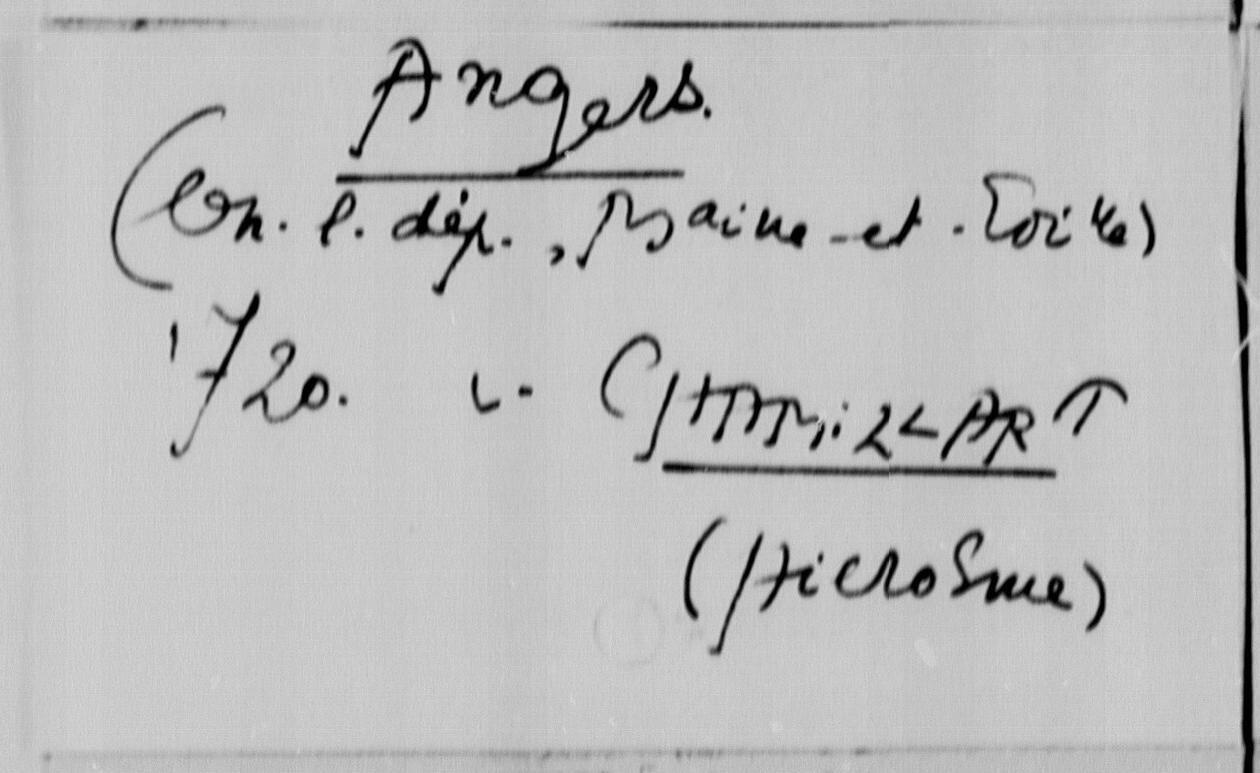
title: ANGERS (chef-lieu de département, département du Maine-et-Loire)
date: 1720
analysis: Voir CHAMILLART (Hierosme)
